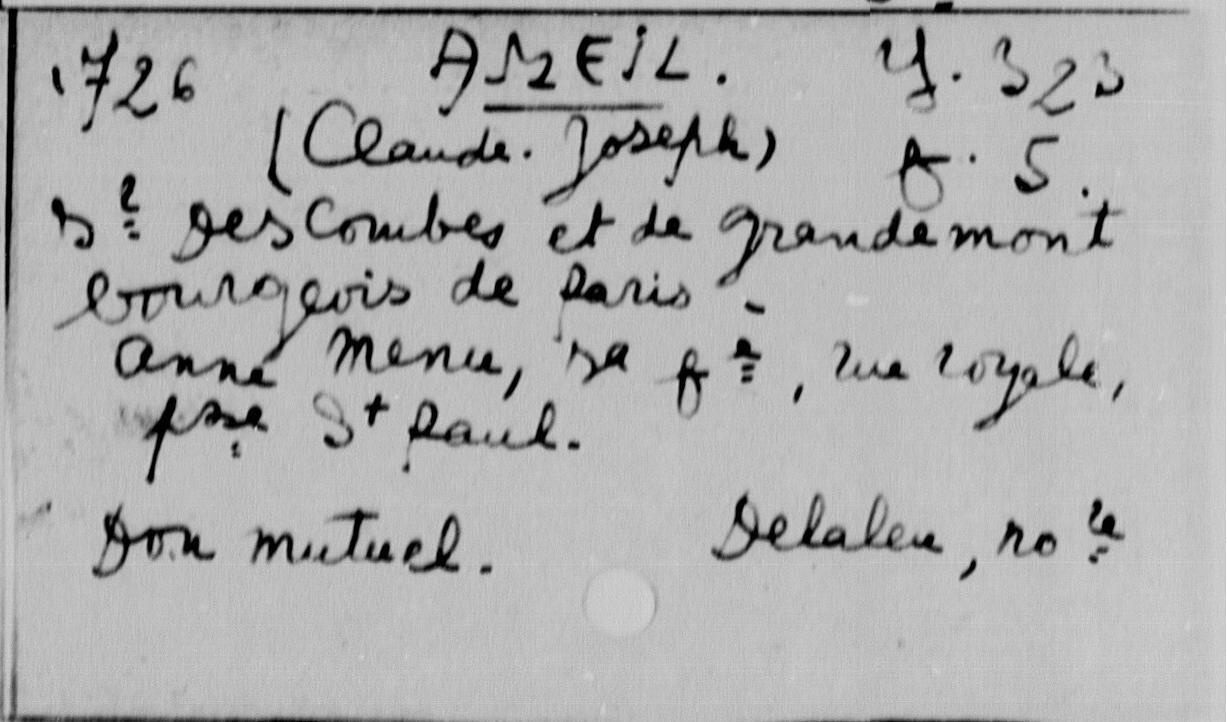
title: AMEIL (Claude-Joseph)
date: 1726
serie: Y
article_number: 323
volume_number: folio 5
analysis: Seigneur Descombes et de Grandemont, bourgeois de Paris. Anne Menu, sa femme, rue Royale, paroisse Saint-Paul. Don mutuel. Delaleu, notaire.
